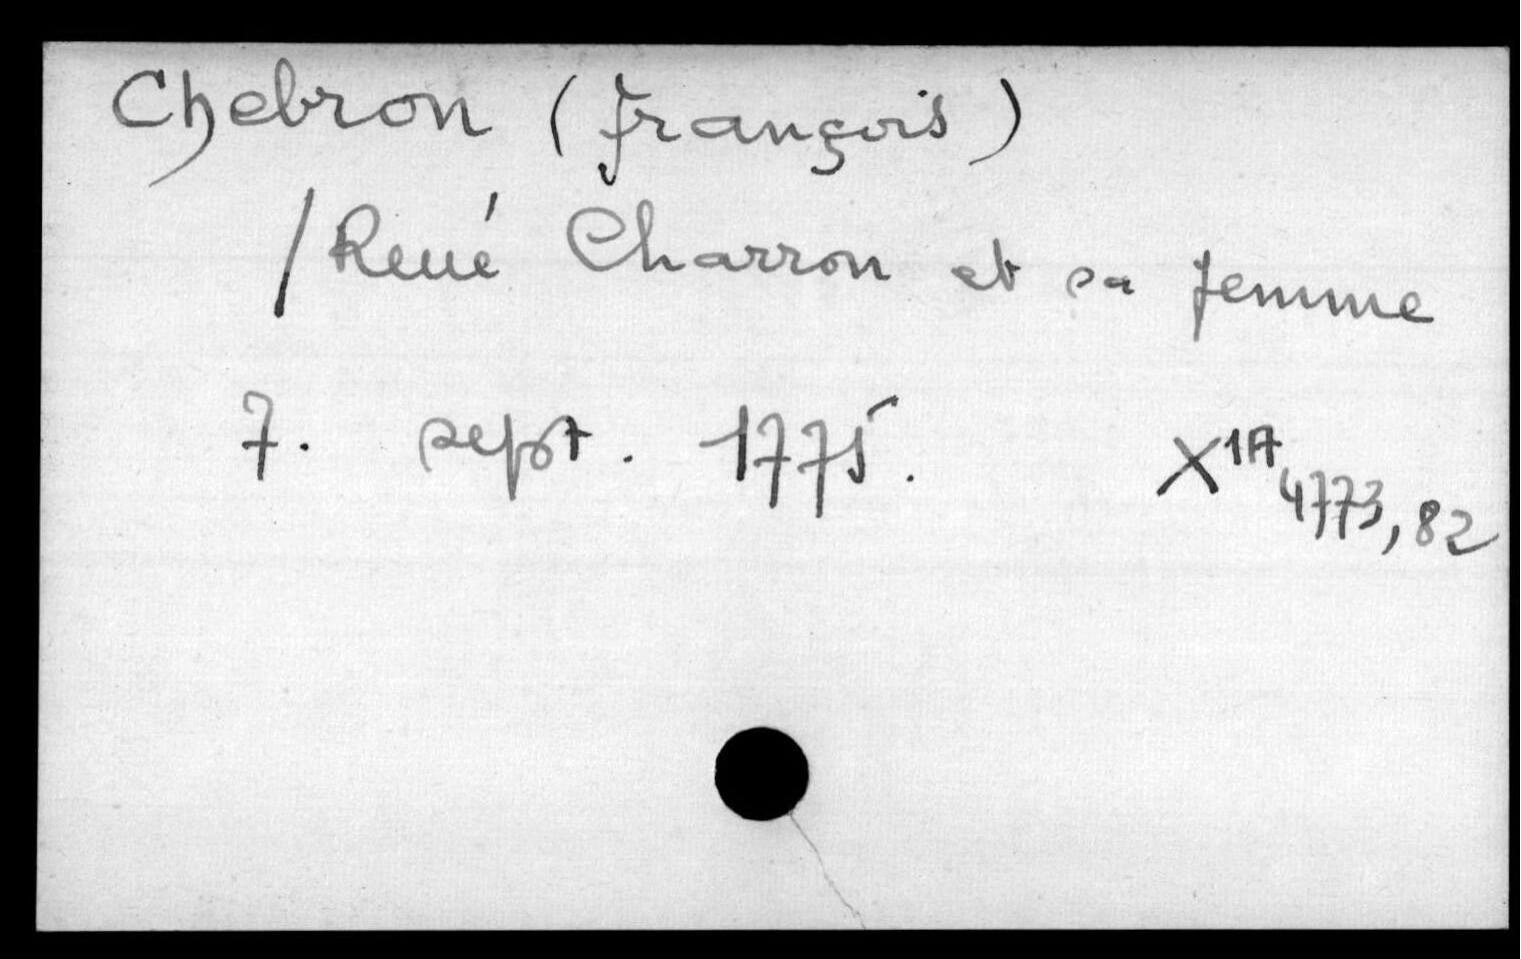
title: Chebron (François)
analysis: Contre René Charron et sa femme
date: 7 septembre 1775
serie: X1A
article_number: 4773
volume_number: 82
